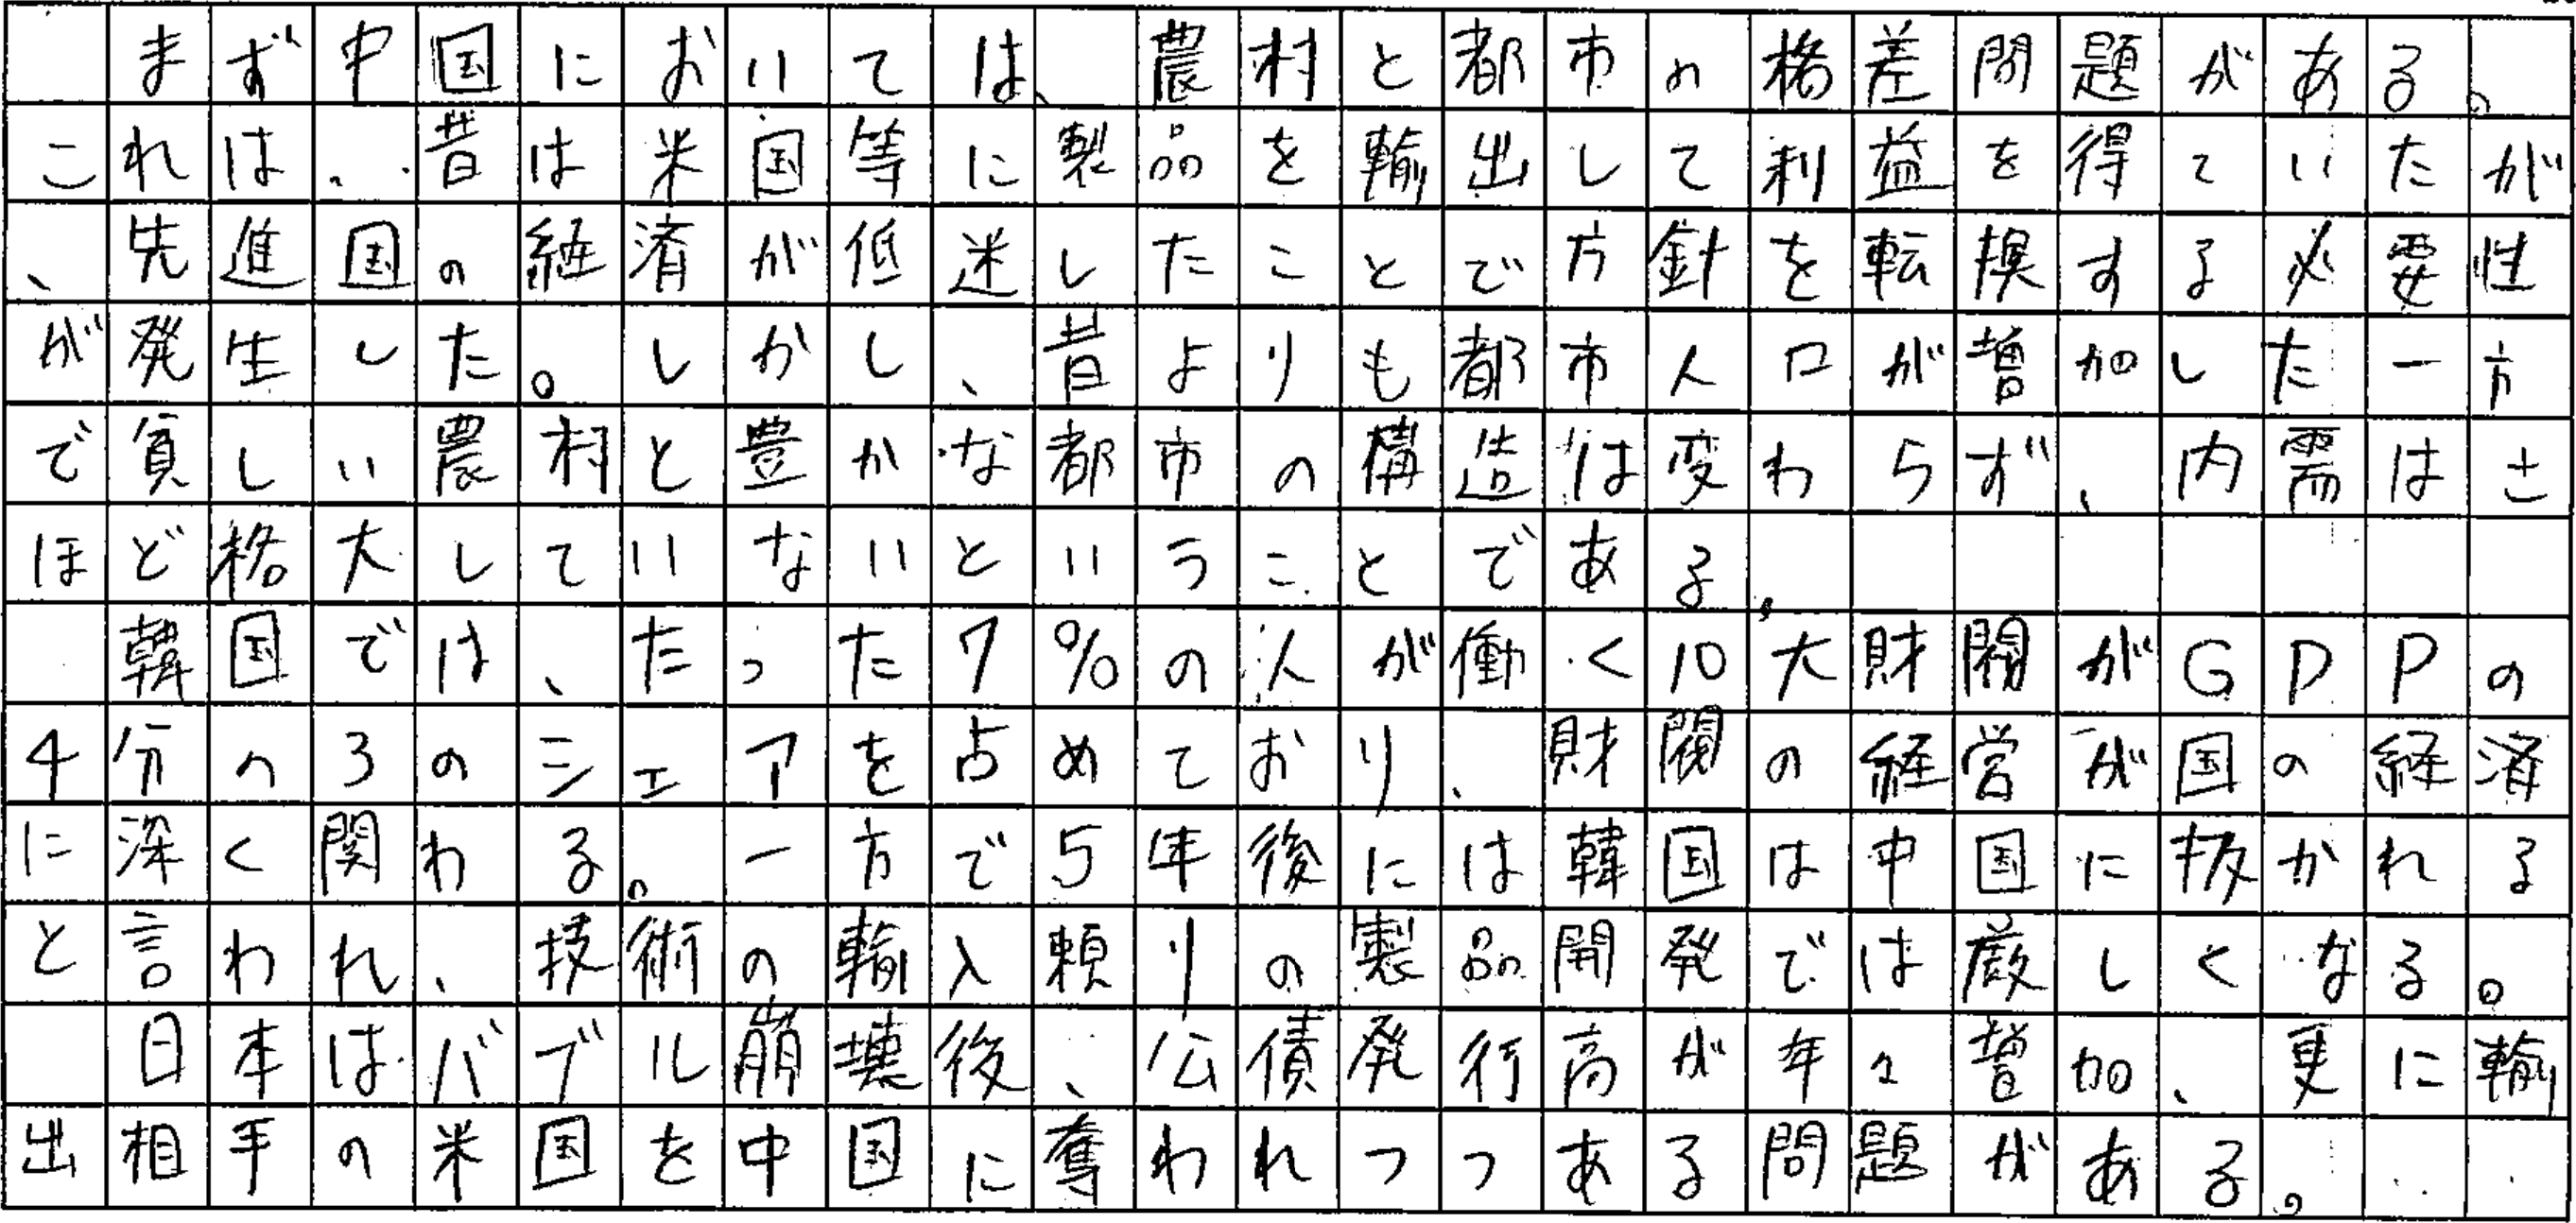　まず中国においては、農村と都市の格差問題がある。これは、昔は米国等に製品を輸出して利益を得ていたが、先進国の経済が低迷したことで方針を転換する必要性が発生した。しかし、昔よりも都市人口が増加した一方で貧しい農村と豊かな都市の構造は変わらず、内需はさほど格大していないということである。
　韓国では、たった７％の人が働く10大財閥がＧＤＰの４分の３のシェアを占めており、財閥の経営が国の経済に深く関わる。一方で５年後には韓国は中国に抜かれると言われ、技術の輸入頼りの製品開発では厳しくなる。
　日本はバブル崩壊後、公債発行高が年々増加、更に輸出相手の米国を中国に奪われつつある問題がある。
